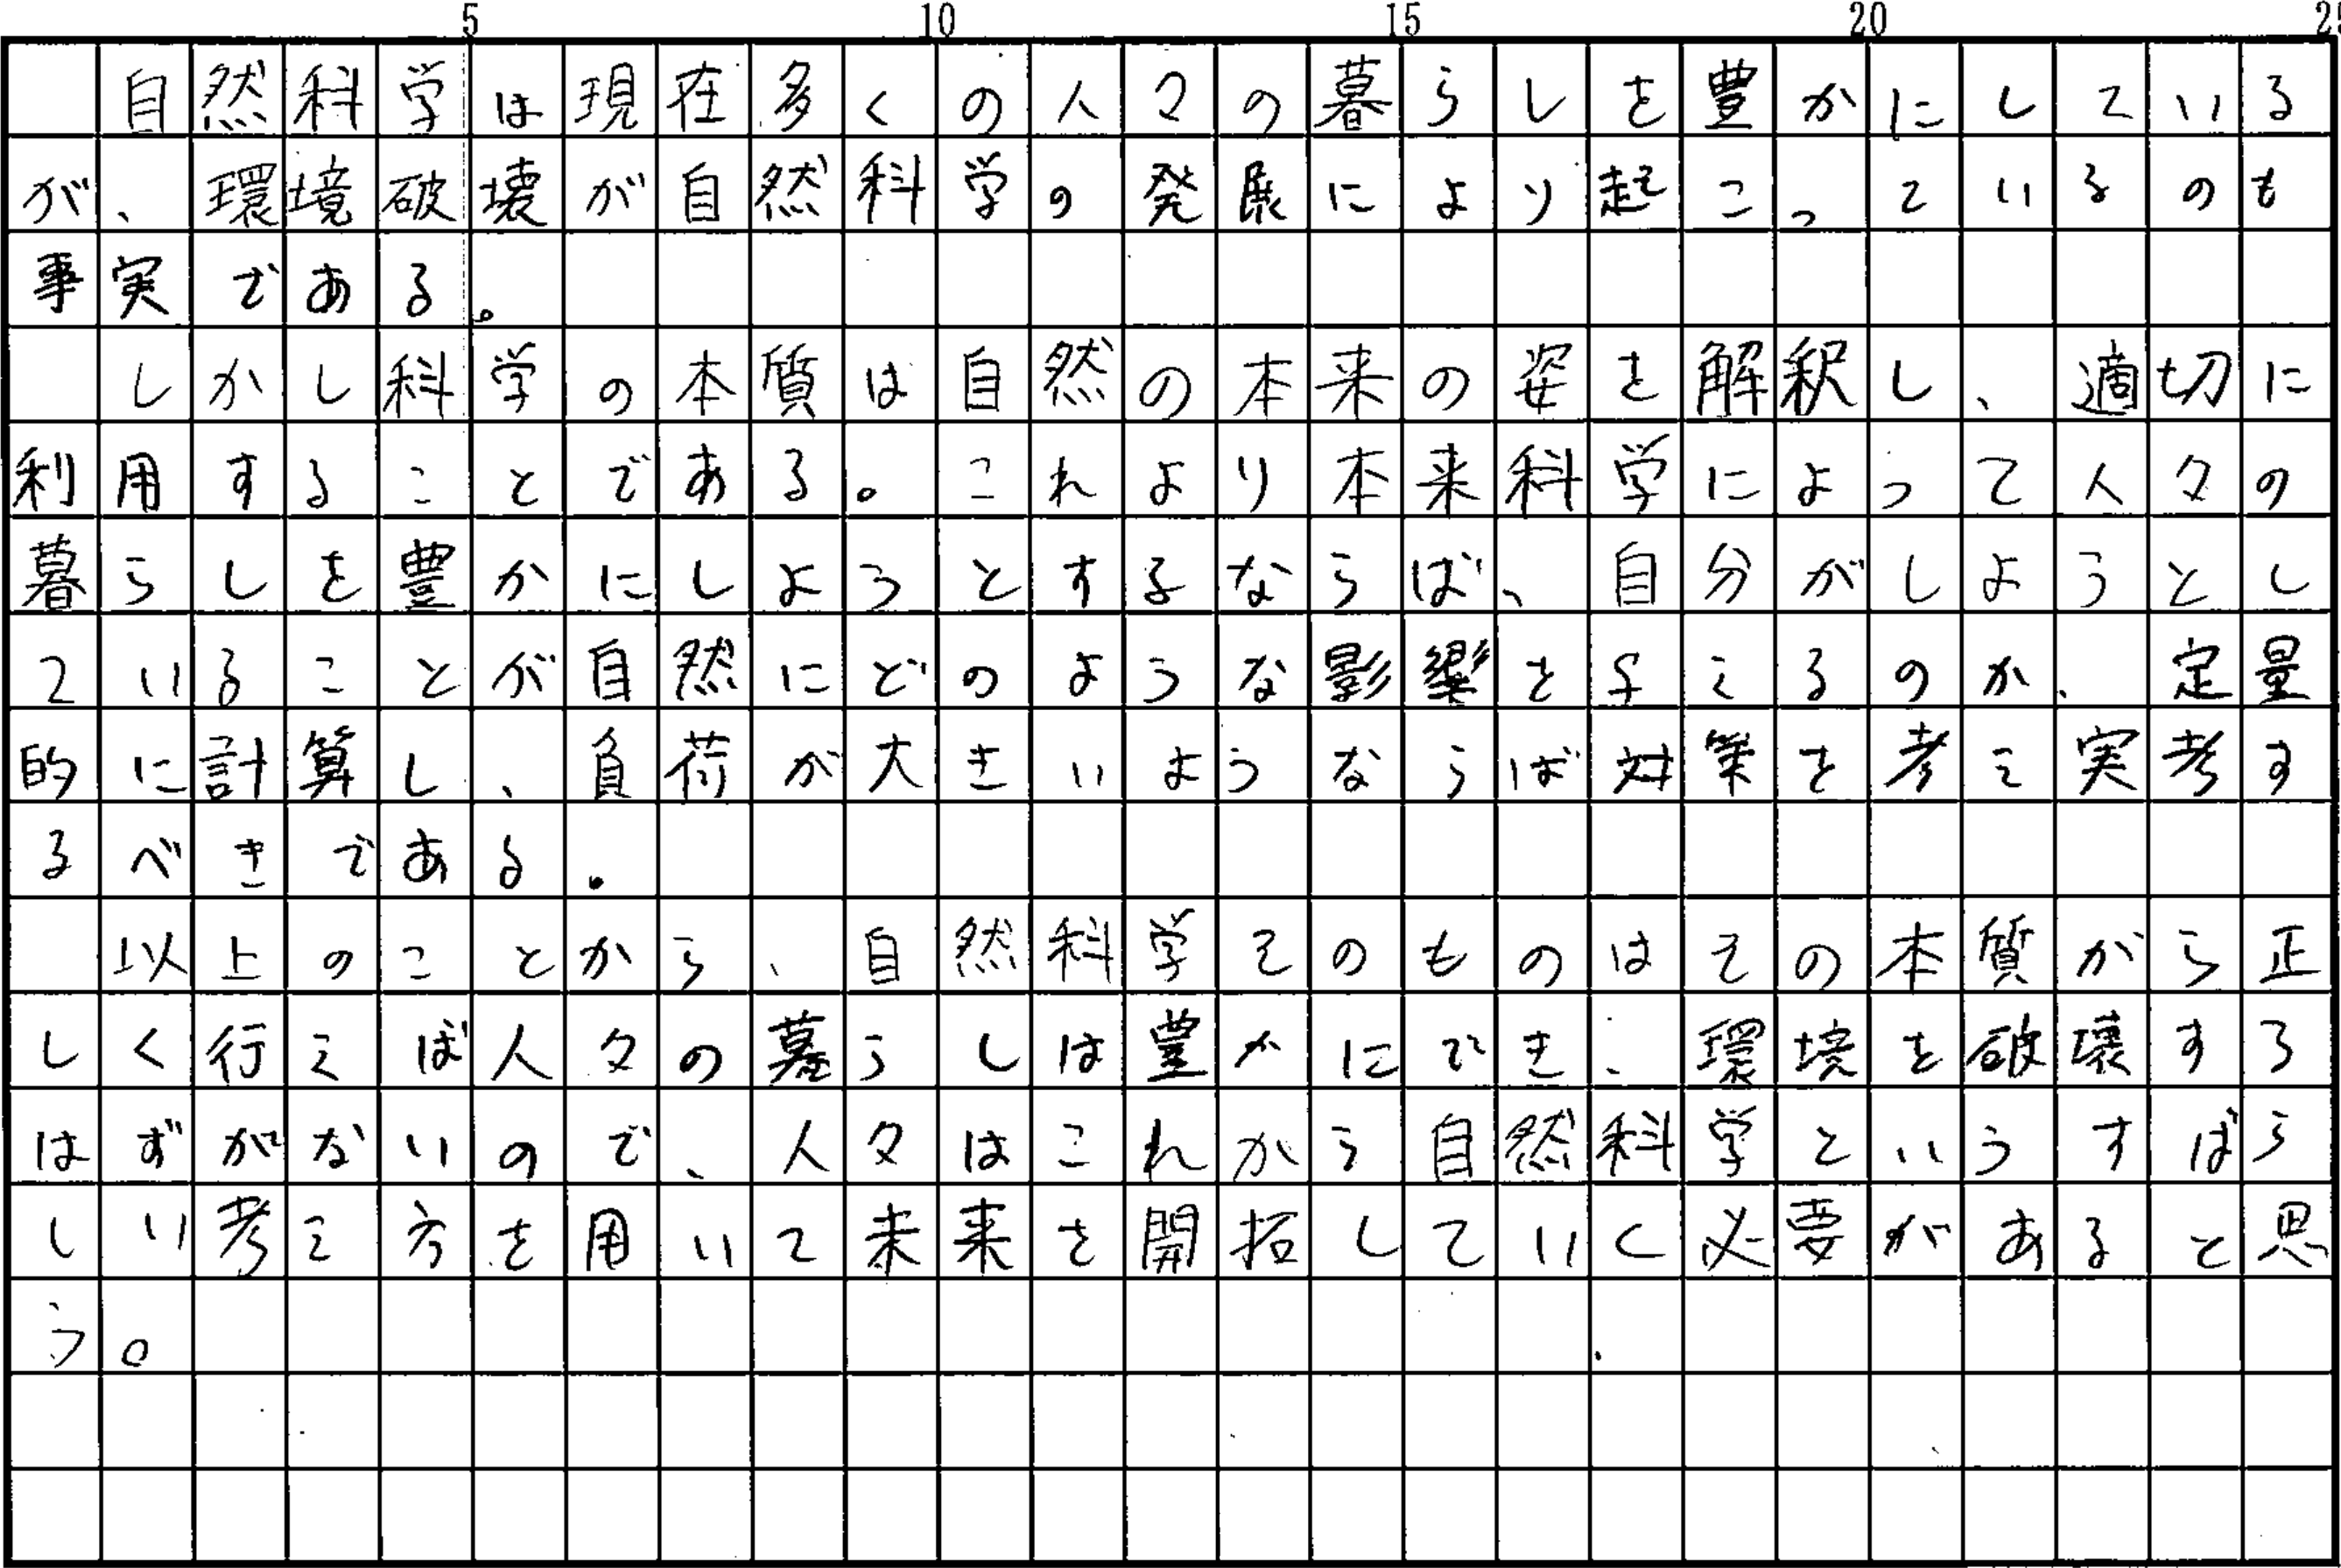　自然科学は現在多くの人々の暮らしを豊かにしているが、環境破壊が自然科学の発▁により起こっているのも事実である。
　しかし科学の本質は自然の本来の姿を解釈し、適切に利用することである。これより本来科学によって人々の暮らしを豊かにしようとするならば、自分がしようとしていることが自然にどのような影響を与えるのか、定量的に計算し、負荷が大きいようならば対策を考え実考するべきである。
　以上のことから、自然科学そのものはその本質から正しく行えば人々の暮らしは豊かにでき、環境を破壊するはずがないので、人々はこれから自然科学というすばらしい考え方を用いて未来を開拓していく必要があると思う。
